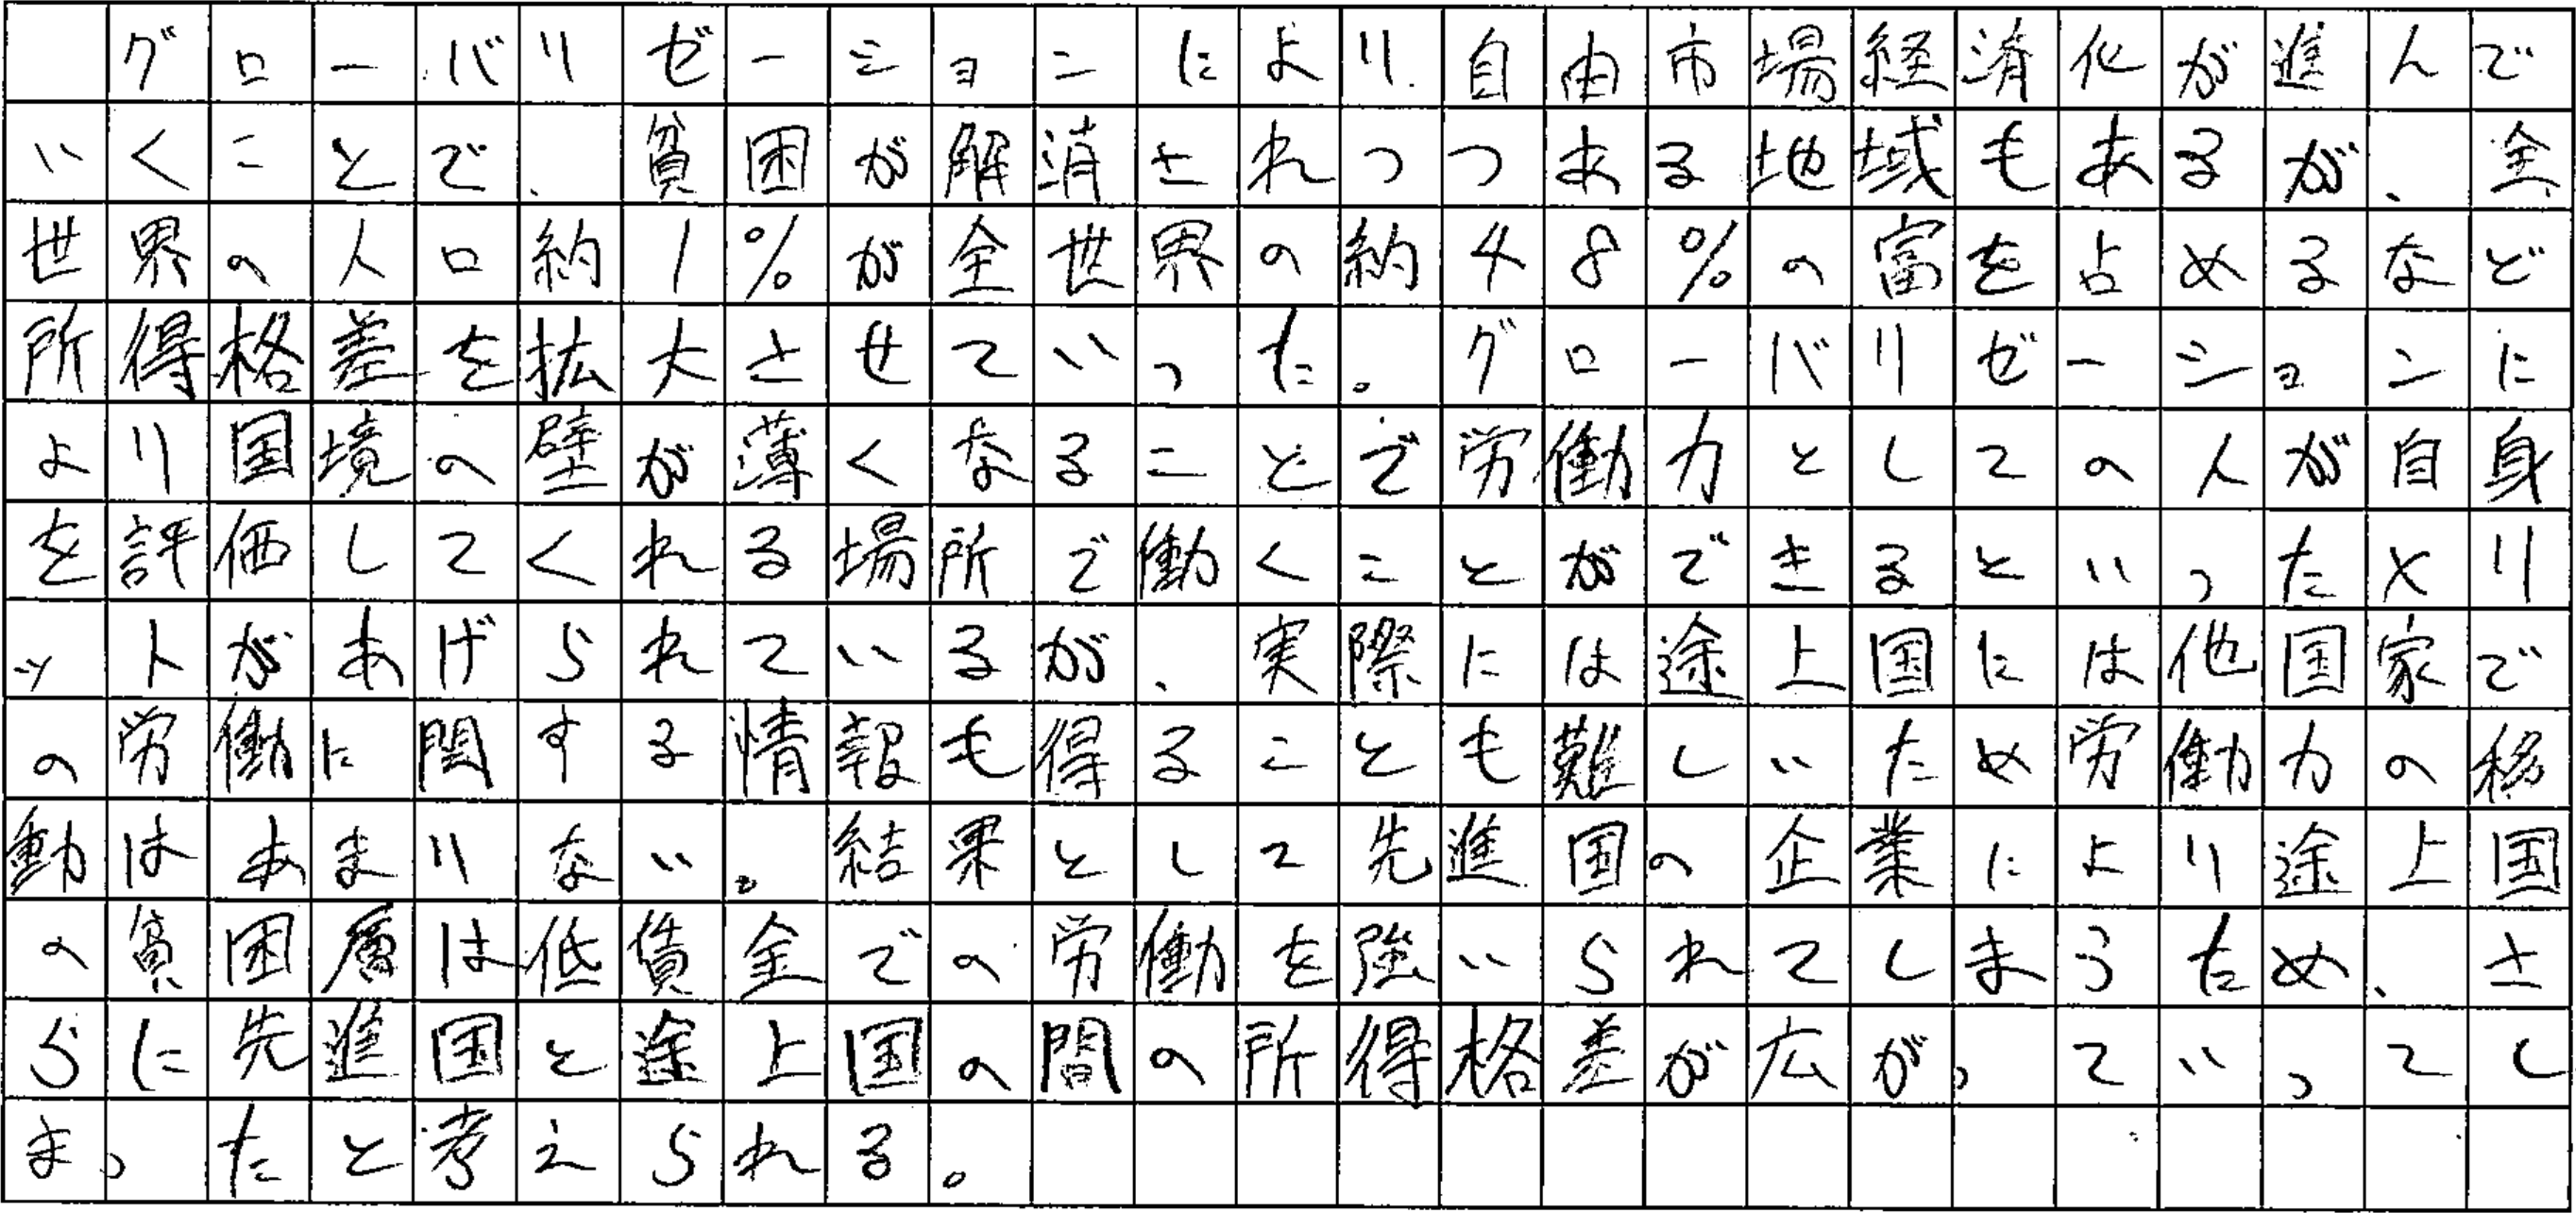　グローバリゼーションにより自由市場経済化が進んでいくことで、貧困が解消されつつある地域もあるが、全世界の人口約１％が全世界の約４８％の富を占めるなど所得格差を拡大させていった。グローバリゼーションにより国境の壁が薄くなることで労働力としての人が自身を評価してくれる場所で働くことができるといったメリットがあげられているが、実際には途上国には他国家での労働に関する情報も得ることも難しいため労働力の移動はあまりない。結果として先進国の企業により途上国の貧困層は低賃金での労働を強いられてしまうため、さらに先進国と途上国の間の所得格差が広がっていってしまったと考えられる。
